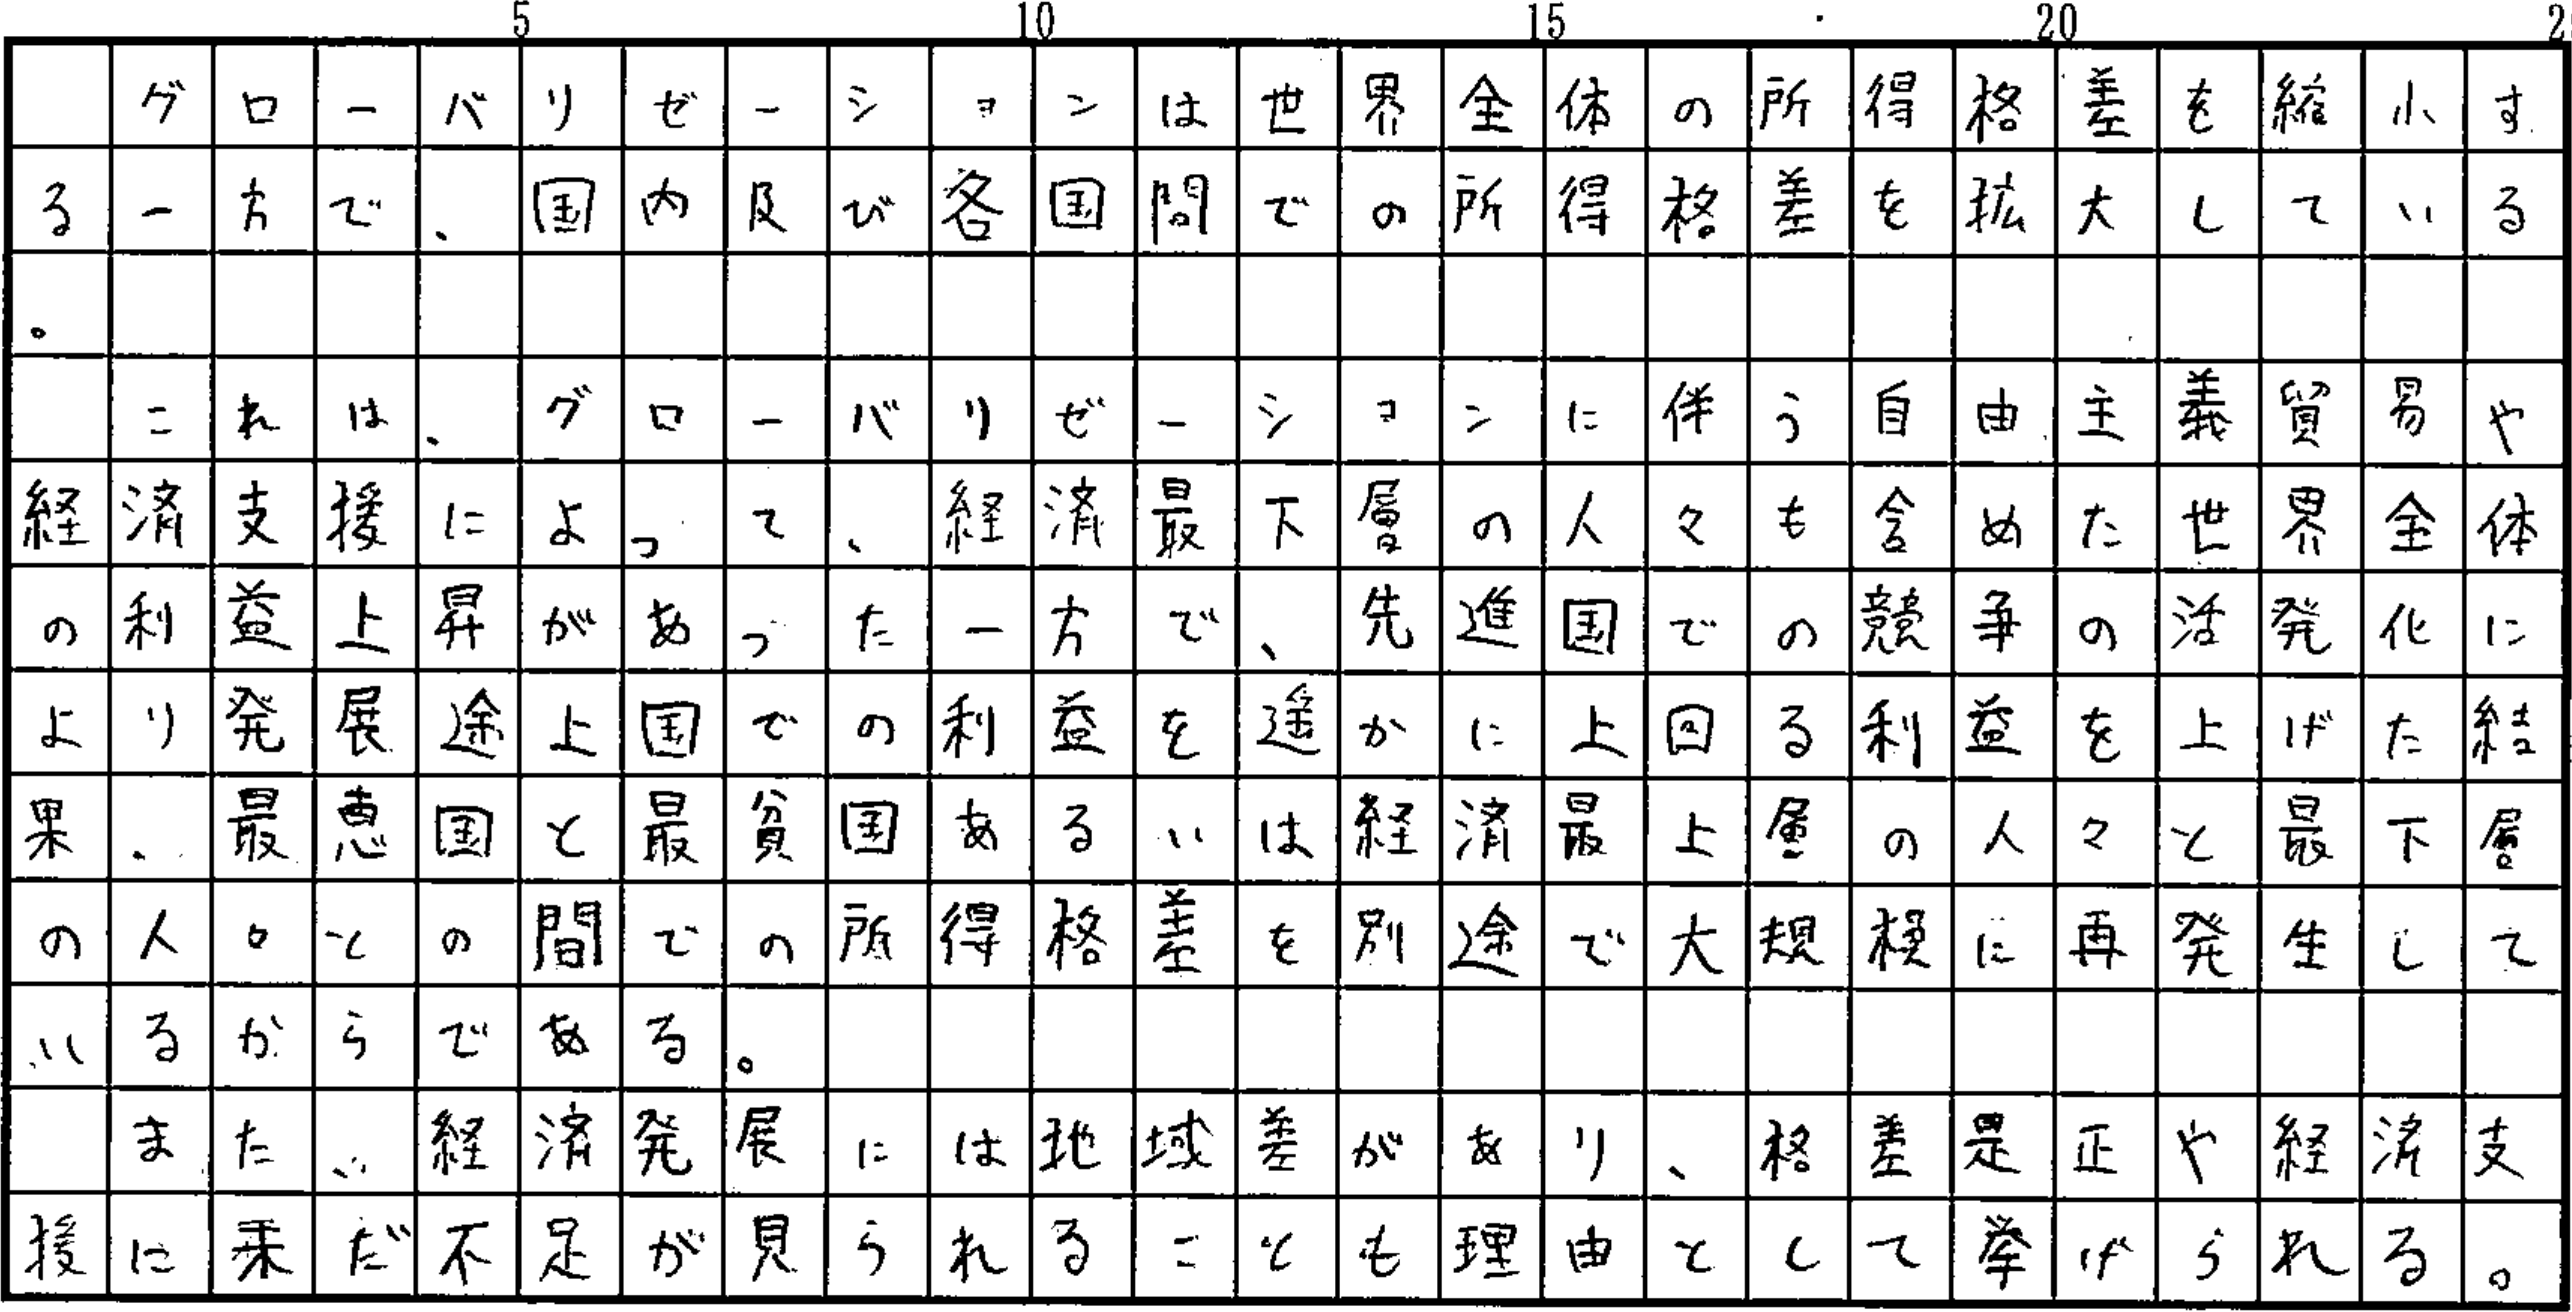　グローバリゼーションは世界全体の所得格差を縮小する一方で、国内及び各国間での所得格差を拡大している。
　これは、グローバリゼーションに伴う自由主義貿易や経済支援によって、経済最下層の人々も含めた世界全体の利益上昇があった一方で、先進国での競争の活発化により発展途上国での利益を遥かに上回る利益を上げた結果、最恵国と最貧国あるいは経済最上層の人々と最下層の人々との間での所得格差を別途で大規模に再発生しているからである。
　また、経済発展には地域差があり、格差是正や経済支援に未だ不足が見られることも理由として挙げられる。
